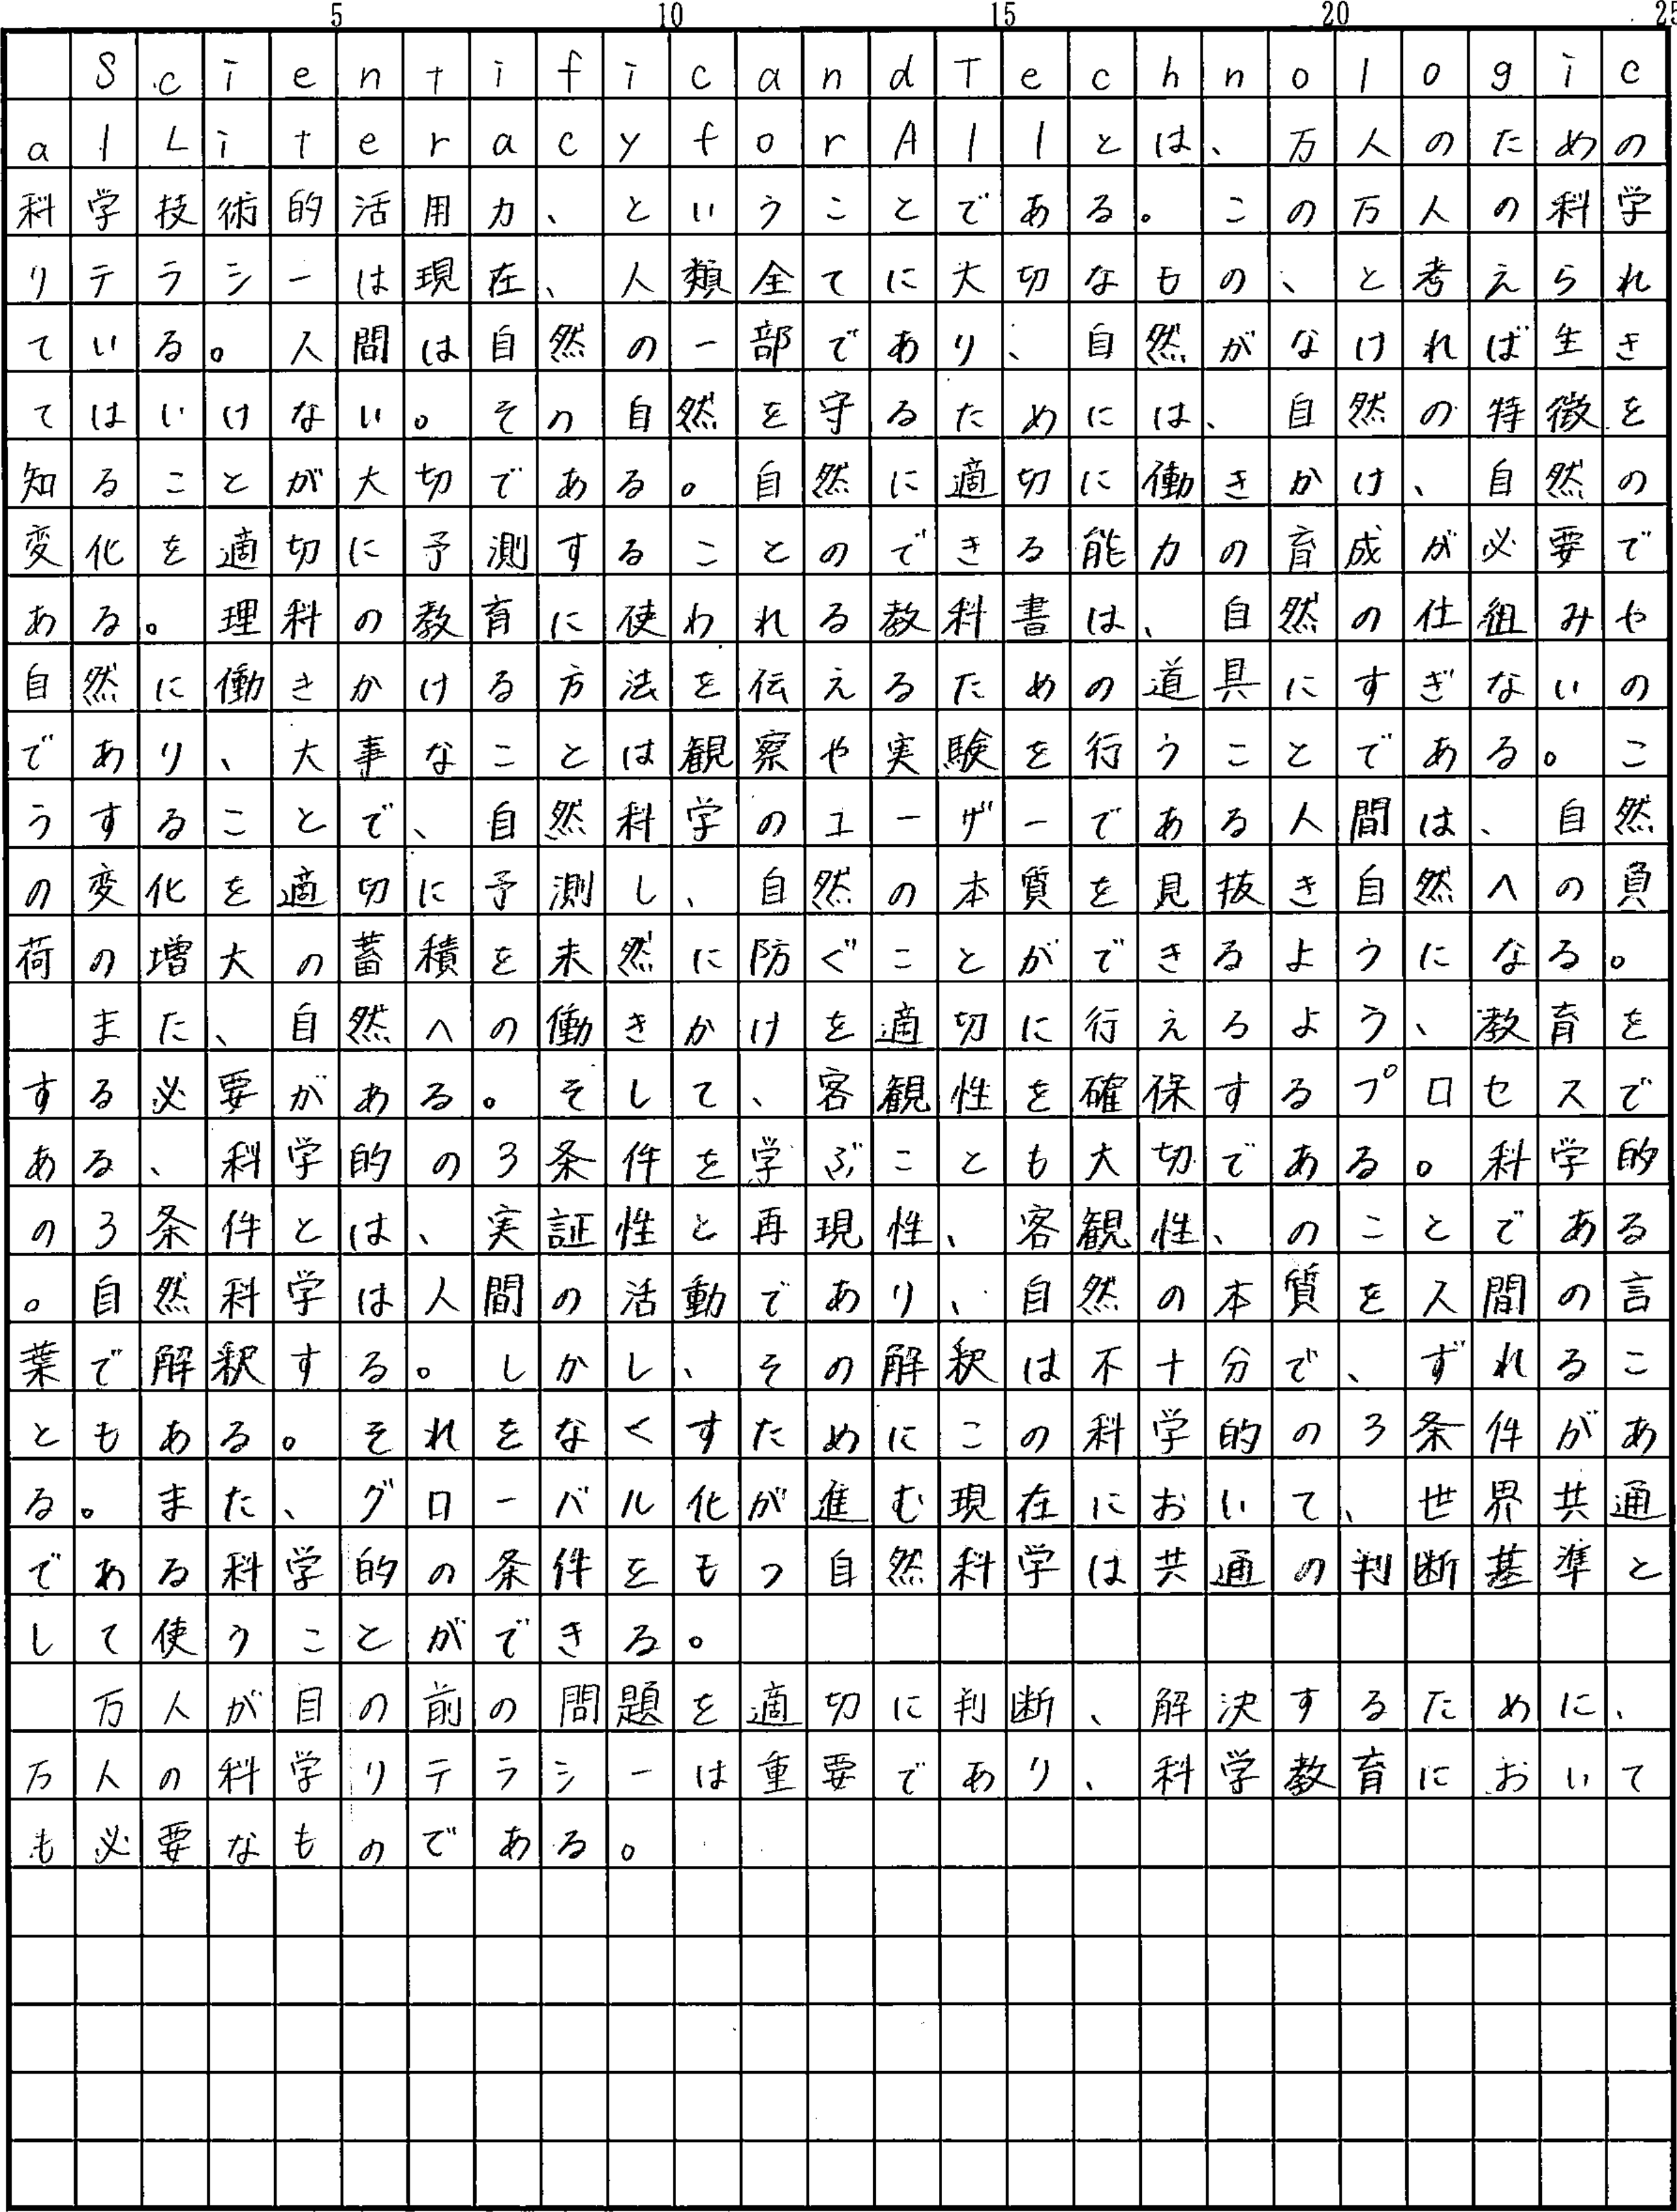　ＳｃｉｅｎｔｉｆｉｃａｎｄＴｅｃｈｎｏｌｏｇｉｃａｌＬｉｔｅｒａｃｙｆｏｒＡｌｌとは、万人のための科学技術的活用力、ということである。この万人の科学リテラシーは現在、人類全てに大切なもの、と考えられている。人間は自然の一部であり、自然がなければ生きてはいけない。その自然を守るためには、自然の特徴を知ることが大切である。自然に適切に働きかけ、自然の変化を適切に予測することのできる能力の育成が必要である。理科の教育に使われる教科書は、自然の仕組みや自然に働きかける方法を伝えるための道具にすぎないのであり、大事なことは観察や実験を行うことである。こうすることで、自然科学のユーザーである人間は、自然の変化を適切に予測し、自然の本質を見抜き自然への負荷の増大の蓄積を未然に防ぐことができるようになる。
　また、自然への働きかけを適切に行えるよう、教育をする必要がある。そして、客観性を確保するプロセスである、科学的の３条件を学ぶことも大切である。科学的の３条件とは、実証性と再現性、客観性、のことである。自然科学は人間の活動であり、自然の本質を人間の言葉で解釈する。しかし、その解釈は不十分で、ずれることもある。それをなくすためにこの科学的の３条件がある。また、グローバル化が進む現在において、世界共通である科学的の条件をもつ自然科学は共通の判断基準として使うことができる。
　万人が目の前の問題を適切に判断、解決するために、万人の科学リテラシーは重要であり、科学教育においても必要なものである。
